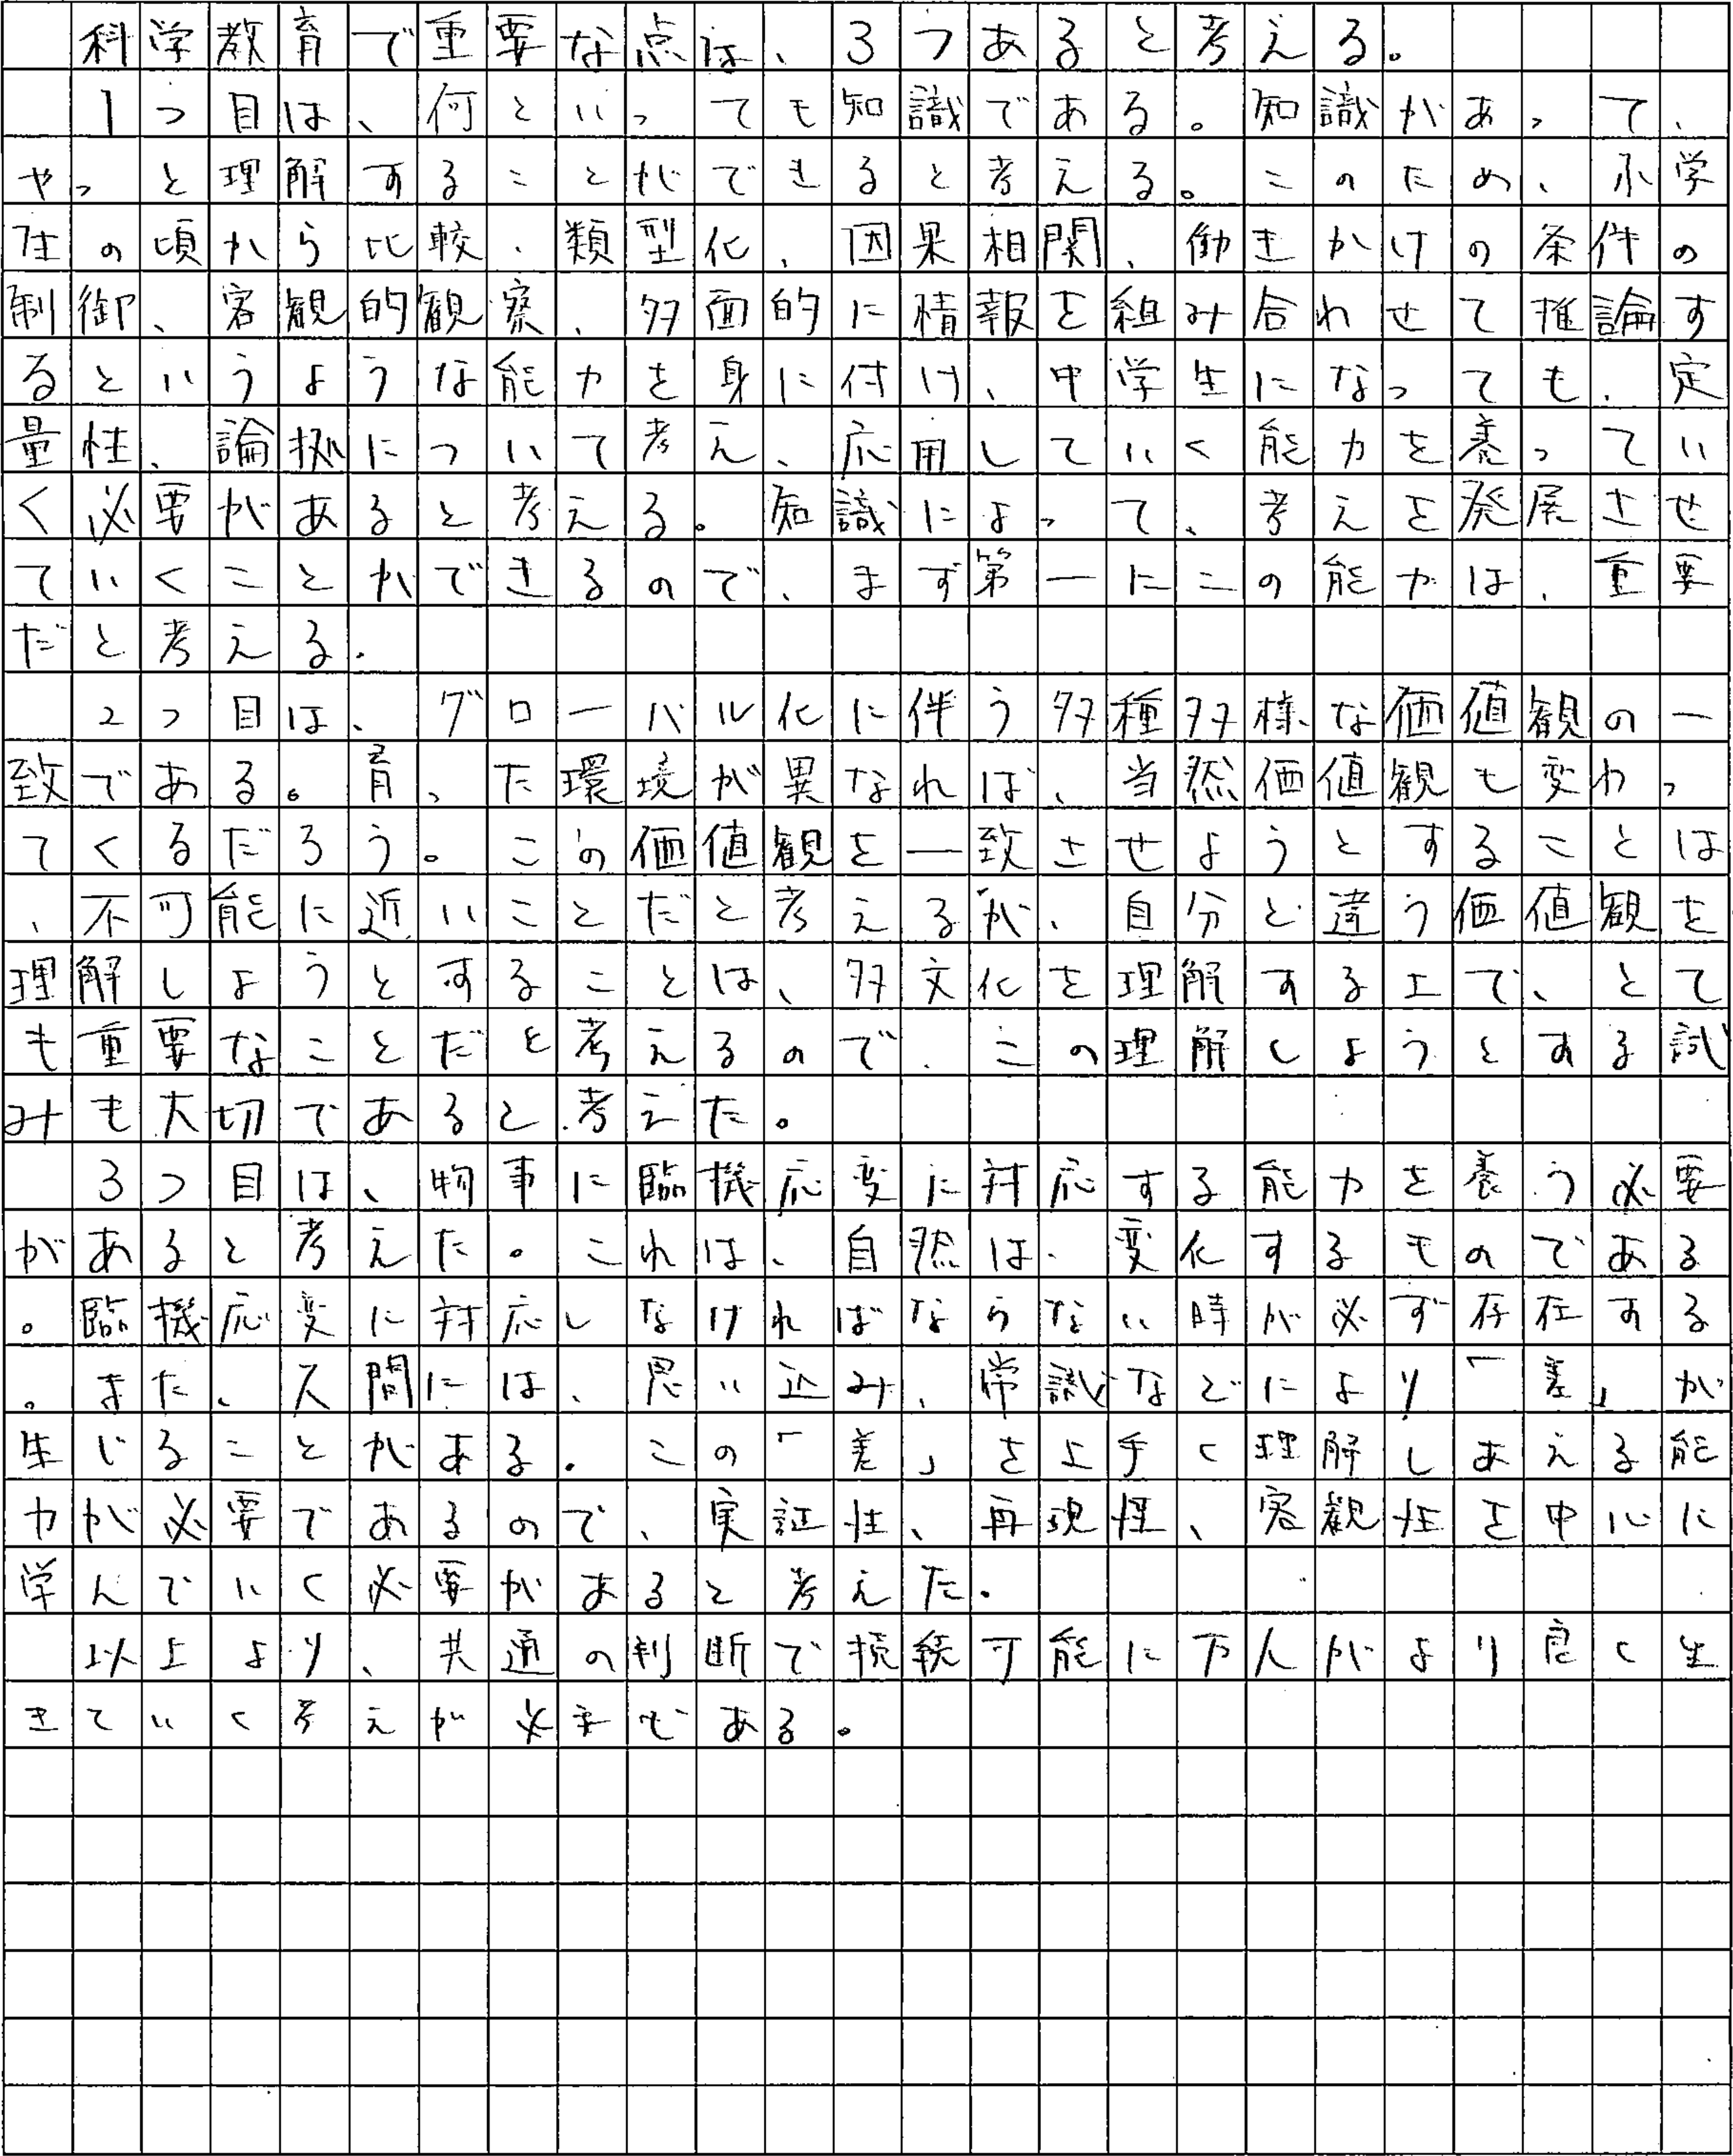　科学教育で重要な点は、３つあると考える。
　１つ目は、何といっても知識である。知識があって、やっと理解することができると考える。このため、小学生の頃から比較、類型化、因果相関、働きかけの条件の制御、客観的観察、多面的に情報を組み合わせて推論するというような能力を身に付け、中学生になっても、定量性、論拠について考え、応用していく能力を養っていく必要があると考える。知識によって、考えを発展させていくことができるので、まず第一にこの能力は、重要だと考える。
　２つ目は、グローバル化に伴う多種多様な価値観の一致である。育った環境が異なれば、当然価値観も変わってくるだろう。この価値観を一致させようとすることは、不可能に近いことだと考えるが、自分と違う価値観を理解しようとすることは、多文化を理解する上で、とても重要なことだと考えるので、この理解しようとする試みも大切であると考えた。
　３つ目は、物事に臨機応変に対応する能力を養う必要があると考えた。これは、自然は、変化するものである。臨機応変に対応しなければならない時が必ず存在する。また、人間には、思い込み、常識などにより「差」が生じることがある。この「差」を上手く理解しあえる能力が必要であるので、実証性、再現性、客観性を中心に学んでいく必要があると考えた。
　以上より、共通の判断で▁続可能に万人がより良く生きていく考えが必要である。
